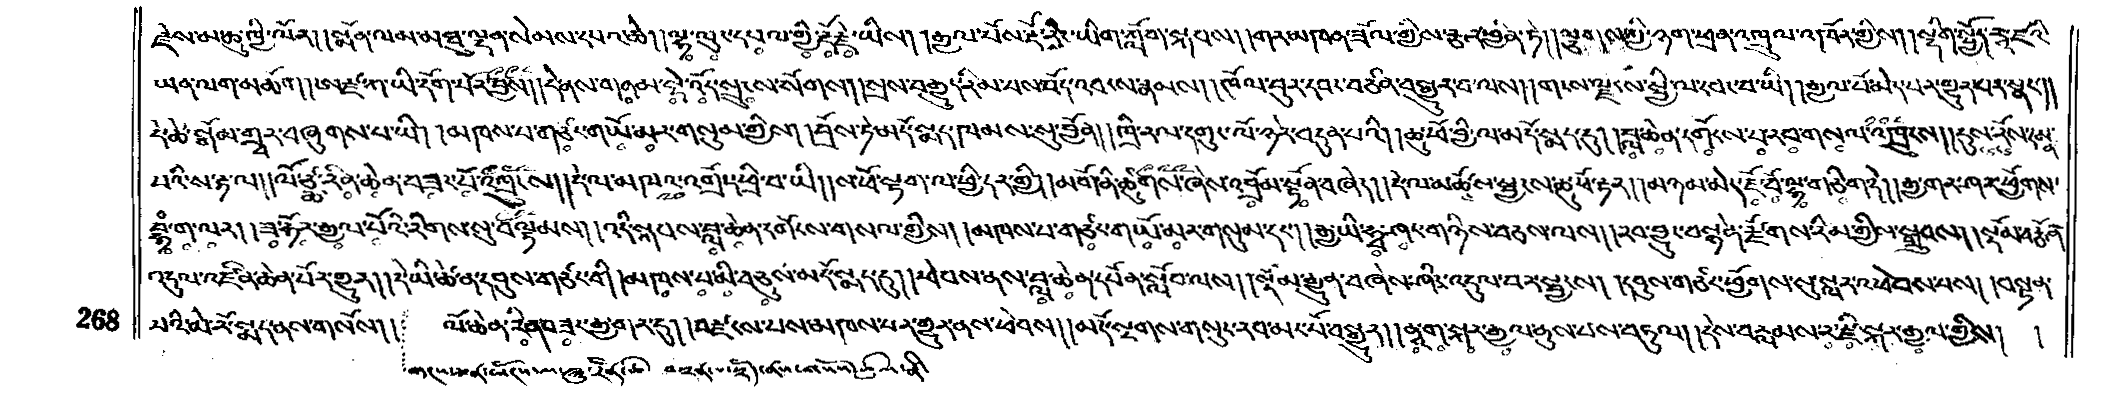རྗེས་མ་ཆུ་ཁྱི་ལོར། །སྨོན་ལམ་མཐུ་ལྡན་སེམས་དཔའ་ཆེ། །ལྷ་ལུང་དཔལ་གྱི་རྡོ་རྗེ་ཡིས། །རྒྱལ་པོས་རྡོ་རིངས་ཡིག་ཀློག་སྐབས། །གར་མཁན་ཟོལ་གྱིས་རྩར་བྱིན་ཏེ། །ལྕགས་ཀྱི་ཉག་ཕྲན་འཁྲུལ་འཁོར་གྱིས། །སྡིག་སྤྱོད་རཱ་ཛའི། །
ཡན་ལག་མཆོག། ཨརྫ་ཀ་ཡི་དོག་པོར་བྱས། །དེ་ནས་གནམ་སྡེ་འོད་སྲུངས་སོགས། །སྲས་བརྒྱུད་རིམ་པས་བོད་འབངས་རྣམས། །ཁོལ་བུར་དབང་བཙན་བསྒྱུར་བ་ལས། །གངས་ལྗངས་སྤྱི་ལ་དབང་བ་ཡི། །རྒྱལ་པོ་མེད་པར་གྱུར་པར་སྣང།།
དེ་ཚེ་སྒོམ་གྲྭར་བཞུགས་པ་ཡི། །མཁས་པ་གཙང་གཡོ་མར་གསུམ་གྱིས། །བྲོས་ཏེ་མདོ་སྨད་ཁམས་སུ་བྱོན། །ཁྲི་རལ་དགུང་ལོ་ཉེར་བདུན་པའི། །ཆུ་ཕོ་བྱི་ལ་མདོ་སྨད་དུ། །བླ་ཆེན་དགོངས་པ་རབ་གསལ་འཁྲུངས། །དུས་རོས་དམན་
པའི་ས་རྟ་ལ། །ལོ་ཙྪ་རིན་ཆེན་བཟང་པོ་འཁྲུངས། །དེ་ལ་མཁའ་འགྲོད་ཕྲི་བ་ཡི། །ས་ཕོ་སྟག་ལ་ཕྱི་དར་གྱི། །མགོ་ནི་ཚུགས་ཞེས་འབྲོམ་སྟོན་བཞེད། །དེ་ལ་མཚོས་སྦྱངས་ཆུ་ཕོ་རྟར། །མཉམ་མེད་ཇོ་བོ་ལྷ་གཅིག་དེ། །རྒྱ་གར་ཤར་ཕྱོགས་
བྷཾ་ག་ལར། །ཟ་ཧོར་རྒྱལ་པོའི་རིགས་སུ་བལྟམས། །འདི་སྐབས་བླ་ཆེན་དགོངས་གསལ་གྱིས། །མཁས་པ་གཙང་གཡོ་མར་གསུམ་དང་། །རྒྱ་ཡི་ཧྭ་ཤང་གཉིས་བཅས་ལས། །རབ་བྱུང་བསྙེན་རྫོགས་རིམ་གྱིས་སྒྲུབས། །སྡོམ་བརྩོན་
འདུལ་འཛིན་ཆེན་པོར་གྱུར། །དེ་ཡི་ཚེ་ན་དབུས་གཙང་གི །མཁས་པ་མི་བཅུས་མདོ་སྨད་དུ། །ཕེབས་ནས་བླ་ཆེན་དཔོན་སློབ་ལས། །སྡོམ་རྒྱུན་བཞེས་ཤིང་འདུལ་བར་སྦྱངས། །དབུས་གཙང་ཕྱོགས་སུ་སླར་འཕེབས་པས། །བསྟན་
པའི་མེ་རོ་སྨད་ནས་གསོས།། གངས་ཅན་ཡོངས་ལ་སྐུ་རིན་ཆེ་བསྟན་པ་སྟོད་ནས་གསོས་ཚུལ་ནི་ལོ་ཆེན་རིན་བཟང་རྒྱ་གར་དུ། །བརྫངས་པས་མཁས་པར་གྱུར་ནས་ཕེབས། །མདོ་སྔགས་གསུང་རབ་མང་བོ་བསྒྱུར། །ནཱ་ག་སྐར་རྒྱལ་ནུས་པས་བཏུལ། །དེས་བརླམས་ར་ཛི་སྐར་རྒྱལ་གྱིས། །